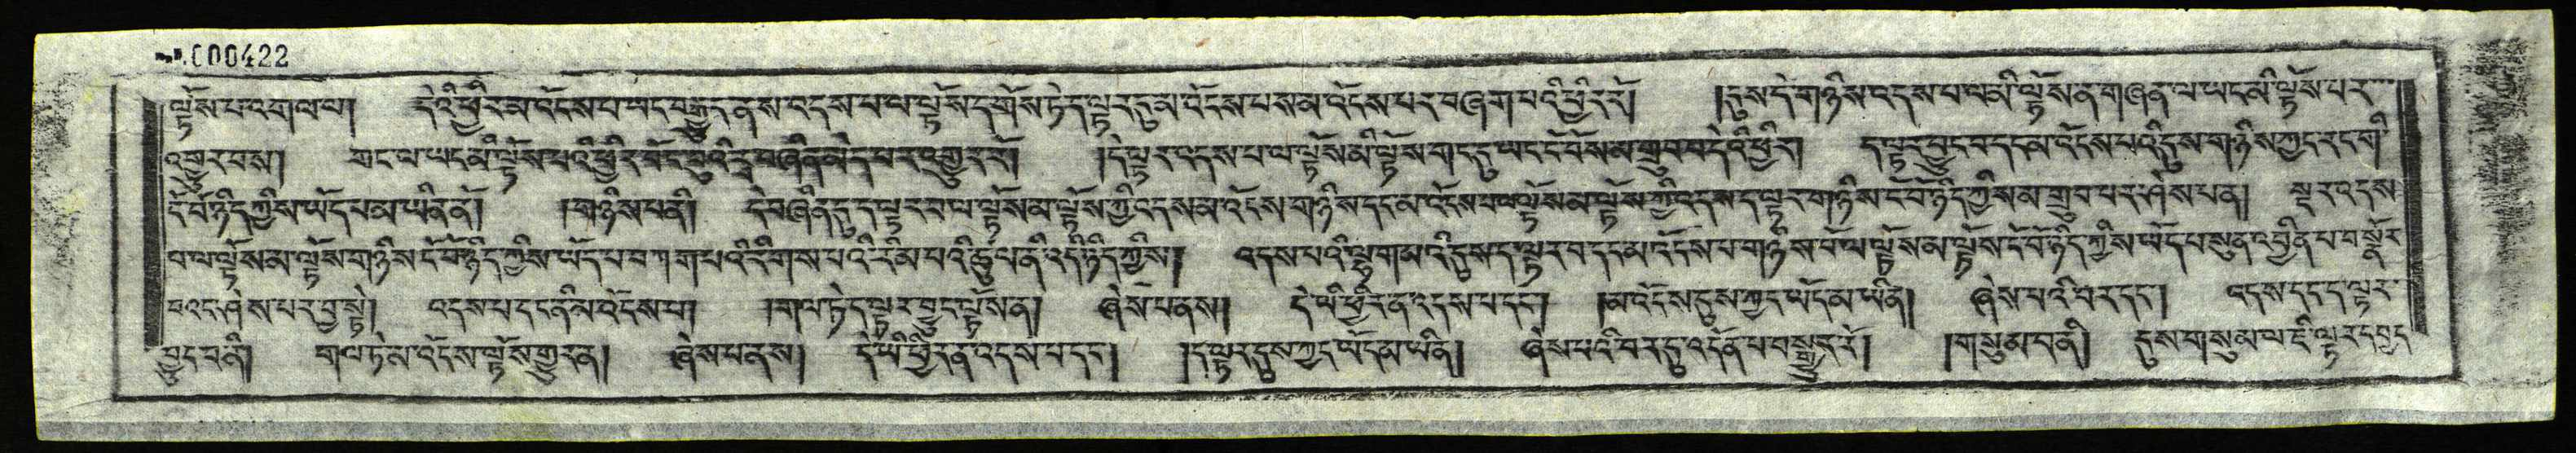ལྟོས་པ་འགལ་བ། དེའི་ཕྱིར་མ་འོངས་པ་ཡང་བརྒྱུད་ནས་འདས་པ་ལ་ལྟོས་དགོས་ཏེ་ད་ལྟར་དུ་མ་འོངས་པས་མ་འོངས་པར་བཞག་པའི་ཕྱིར་རོ། །དུས་དེ་གཉིས་འདས་པ་ལ་མི་ལྟོས་ན་གཞན་ལ་ཡང་མི་ལྟོས་པར་
འགྱུར་བས། གང་ལ་ཡང་མི་ལྟོས་པའི་ཕྱིར་བོང་བུའི་རྭ་བཞིན་མེད་པར་འགྱུར་རོ། །དེ་ལྟར་འདས་པ་ལ་ལྟོས་མི་ལྟོས་གང་དུ་ཡང་ངོ་བོས་མ་གྲུབ་པ་དེའི་ཕྱིར། ད་ལྟར་བྱུང་བ་དང་མ་འོངས་པའི་དུས་གཉིས་ཀྱང་རང་གི་
ངོ་བོ་ཉིད་ཀྱིས་ཡོད་པ་མ་ཡིན་ནོ། །གཉིས་པ་ནི། དེ་བཞིན་དུ་ད་ལྟར་བ་ལ་ལྟོས་མ་ལྟོས་ཀྱི་འདས་མ་འོངས་གཉིས་དང་མ་འོངས་པ་ལ་ལྟོས་མ་ལྟོས་ཀྱི་འདས་ད་ལྟར་གཉིས་ངོ་བོ་ཉིད་ཀྱིས་མ་གྲུབ་པར་ཤེས་པ་ན། སྔར་འདས་
པ་ལ་ལྟོས་མ་ལྟོས་གཉིས་ངོ་བོ་ཉིད་ཀྱིས་ཡོད་པ་བཀག་པའི་རིགས་པའི་རིམ་པའི་ཚུལ་ནི་འདི་ཉིད་ཀྱིས། འདས་པའི་ལྷག་མའི་དུས་ད་ལྟར་བ་དང་མ་འོངས་པ་གཉིས་པོ་ལ་ལྟོས་མ་ལྟོས་ངོ་བོ་ཉིད་ཀྱིས་ཡོད་པ་སུན་འབྱིན་པ་བསྣོར་
བའང་ཤེས་པར་བྱ་སྟེ། འདས་པ་དང་ནི་མ་འོངས་པ། །གལ་ཏེ་ད་ལྟར་བྱུང་ལྟོས་ན། ཞེས་པ་ནས། དེ་ཡི་ཕྱིར་ན་འདས་པ་དང་། །མ་འོངས་དུས་ཀྱང་ཡོད་མ་ཡིན། ཞེས་པའི་བར་དང་། འདས་དང་ད་ལྟར་
བྱུང་བ་ནི། གལ་ཏེ་མ་འོངས་ལྟོས་གྱུར་ན། ཞེས་པ་ནས། དེ་ཡི་ཕྱིར་ན་འདས་པ་དང་། །ད་ལྟར་དུས་ཀྱང་ཡོད་མ་ཡིན། ཞེས་པའི་བར་དུ་འདོན་པ་བསྒྱུར་རོ། །གསུམ་པ་ནི། དུས་གསུམ་ལ་ཇི་ལྟར་དཔྱད་